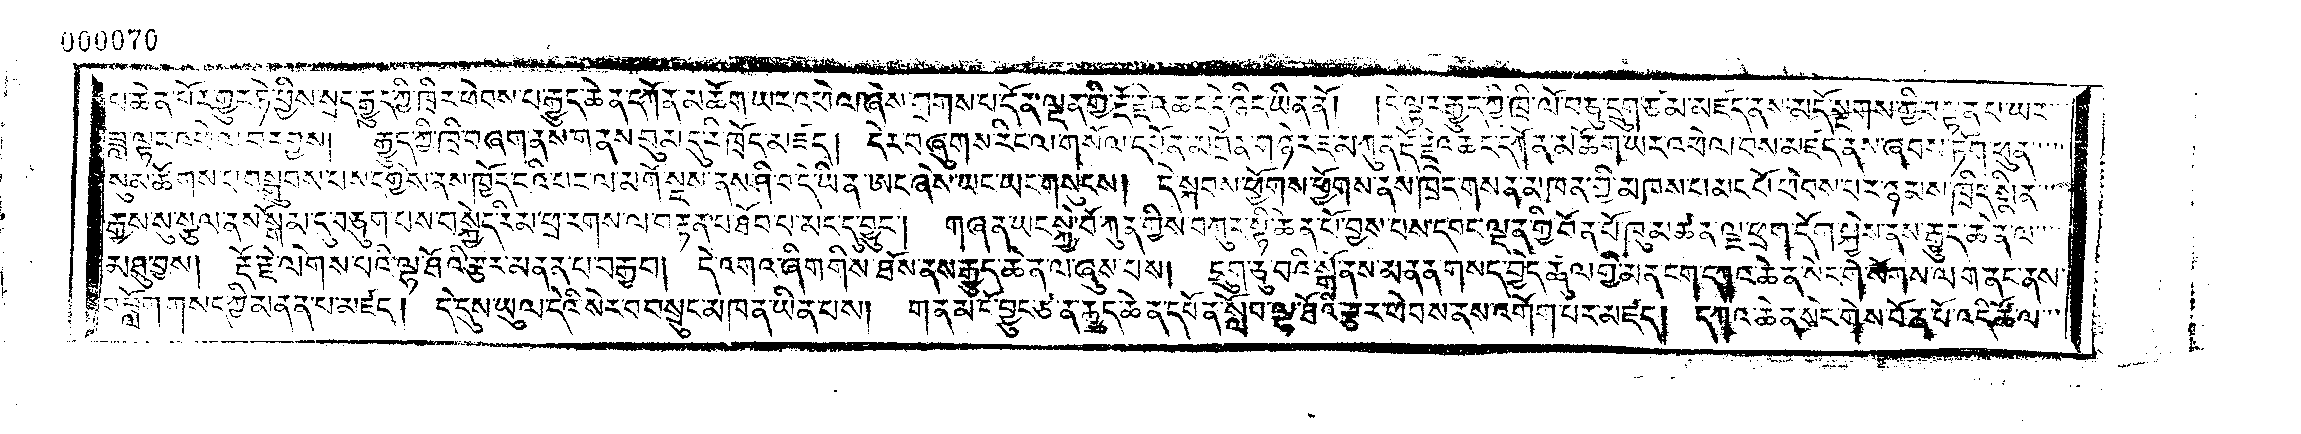པ་ཆེན་ངོར་གྱུར་ཏེ་ཕྱིས་སྲད་རྒྱུད་ཀྱི་ཁྲིར་ཕེབས་པ་རྒྱུད་ཆེན་དཀོན་མཆོག་ཡར་འཕེལ་ཞེས་གྲགས་པ་དོན་ལྡན་གྱི་རྡོ་རྗེ་འཆང་དེ་ཉིད་ཡིན་ནོ། །དེ་ལྟར་རྒྱུད་ཀྱི་ཁྲི་ལོ་བཅུ་དྲུག་ཙམ་མཛད་ནས་མདོ་སྔགས་ཀྱི་བསྟན་པ་ཡར་
ཟླ་ལྟར་འཕེལ་བར་བྱས། རྒྱུད་ཀྱི་ཁྲི་བཞག་ནས་གནས་བུམ་དུ་རི་ཁྲོད་མཛད། དེར་བཞུགས་རིང་ལ་གསོལ་དབོན་མགྲོན་གཉེར་ཇ་མ་ཀུན་རྡོ་རྗེ་འཆང་དཀོན་མཆོག་ཡར་འཕེལ་བས་མཛད་ནས་ཞབས་ཏོག་ཕུན་
སུམ་ཚོགས་པ་བསྒྲུབས་པས་དགྱེས་ནས་ཁྱོད་ངའི་པང་ལ་མགོ་སྔས་ནས་ཤི་བ་དེ་ཡིན་ཨང་ཞེས་ཡང་ཡང་གསུངས། དེ་སྐབས་ཕྱོགས་ཕྱོགས་ནས་ཁྲིད་གསན་མཁན་གྱི་མཁས་པ་མང་པོ་ཕེབས་པར་ཉམས་ཁྲིད་སྨིན་
རྒྱས་སུ་སྩལ་ནས་སྒོམ་དུ་བཅུག་པས་བསྐྱེད་རིམ་ཕྲ་རགས་ལ་བརྟན་པ་ཐོབ་པ་མང་དུ་བྱུང་། གཞན་ཡང་སྐྱེ་བོ་ཀུན་གྱིས་བཀུར་སྟི་ཆེན་པོ་བྱས་པས་དབང་ལྡན་གྱི་བོན་པོ་ཁུ་མཚན་ལྔ་ཕྲག་དོག་སྐྱེས་ནས་རྒྱུད་ཆེན་ལ་
མཐུ་བྱས། རྡོ་རྗེ་ལེགས་པའི་ལྷ་ཐོའི་རྩར་མནན་པ་བརྒྱབ། དེ་འགའ་ཞིག་གིས་ཐོས་ནས་རྒྱུད་ཆེན་ལ་ཞུས་པས། དྲུག་ཅུ་པའི་སྒོ་ནས་མནན་གསད་བྱེད་ཚུལ་གྱི་མན་ངག་དཀའ་ཆེན་སེང་གེ་སོགས་ལ་གནང་ནས་
བཟློག་གསད་ཀྱི་མནན་པ་མཛད། དེ་དུས་ཡུལ་དེའི་སེར་བ་བསྲུང་མཁན་ཡིན་པས། གནམ་ངོ་བྱུང་ཙ་ན་རྒྱུད་ཆེན་དཔོན་སློབ་ལྷ་ཐོའི་རྩར་ཕེབས་ནས་འགོག་པར་མཛད། དཀའ་ཆེན་སེང་གེས་བོན་པོ་འདི་ཚོ་ལ་